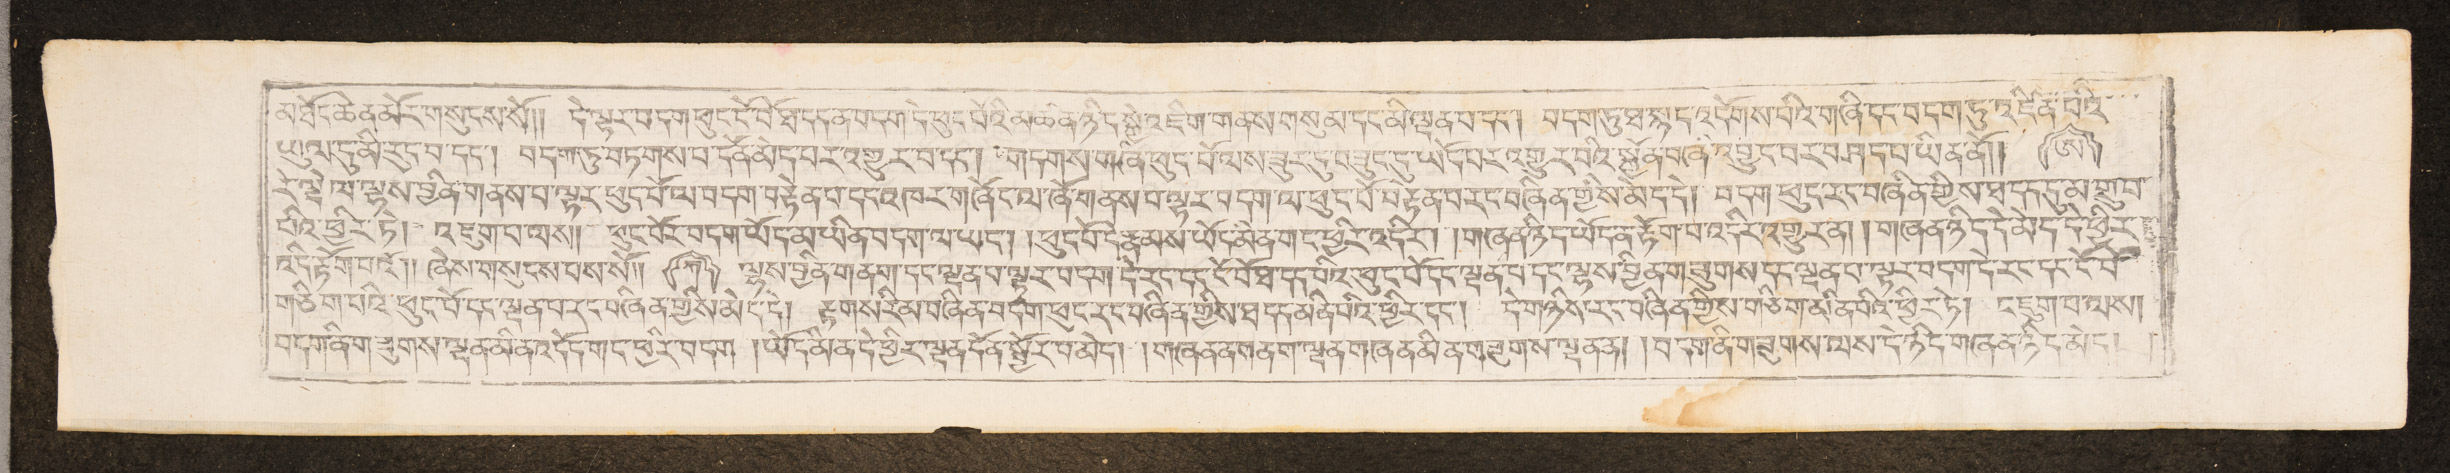མཐོང་ཆེན་མོར་གསུངས་སོ།། དེ་ལྟར་བདག་ཕུང་པོ་ངོ་བོ་ཐ་དད་ན་བདག་དེ་ཕུང་པོའི་མཚན་ཉིད་སྐྱེ་འཇིག་གནས་གསུམ་དང་མི་ལྡན་པ་དང་། བདག་ཏུ་ཐ་སྙད་འདོགས་པའི་གཞི་དང་བདག་ཏུ་འཛིན་པའི་
ཡུལ་དུ་མི་རུང་བ་དང་། བདག་ཏུ་བཏགས་པ་དོན་མེད་པར་འགྱུར་བ་དང་། གདགས་གཞི་ཕུད་པོ་ལས་ཟུར་དུ་བཟང་དུ་ཡོད་པར་འགྱུར་བའི་སྐྱོན་བཞི་འབྱུང་བར་བཤད་པ་ཡིན་ནོ།། ༼༽ཨ༼༽
རེ་ལྡེ་ལ་ལྷས་བྱིན་གནས་པ་ལྟར་ཕུང་པོ་ལ་བདག་བརྟེན་པ་དང་འཁར་གཞོང་ལ་ཞོ་གནས་པ་ལྟར་བདག་ལ་ཕུང་པོ་བརྟེན་པ་རང་བཞིན་གྱིས་མེད་དེ། བདག་ཕུང་རང་བཞིན་གྱིས་ཐ་དད་དུ་མ་གྲུབ་
པའི་ཕྱིར་ཏེ། འཇུག་པ་ལས། ཕུང་པོར་བདག་ཡོད་མ་ཡིན་བདག་ལ་ཡང་། །ཕུང་པོ་དེ་རྣམས་ཡོད་མིན་གང་ཕྱིར་འདིར། །གཞན་ཉིད་ཡོད་ན་རྟོག་པ་འདིར་འགྱུར་ན། །གཞན་ཉིད་དེ་མེད་དེ་ཕྱིར་
འདི་རྟོག་པའོ།། ཞེས་གསུངས་པས་སོ།། ༼༽ཀ༼༽ ལྷས་བྱིན་གང་དང་ལྡན་པ་ལྟར་བདག་དེ་རང་དང་ངོ་བོ་ཐ་དད་པའི་ཕུང་པོ་དང་ལྡན་པ་དང་ལྷས་བྱིན་གཟུགས་དང་ལྡན་པ་ལྟར་བདག་དེ་རང་དང་ངོ་བོ་
གཅིག་པའི་ཕུང་པོ་དང་ལྡན་པ་རང་བཞིན་གྱིས་མེད་དེ། རྟགས་རིམ་བཞིན་བདག་ཕུང་རང་བཞིན་གྱིས་ཐ་དད་མིན་པའི་ཕྱིར་དང་། དེ་གཉིས་རང་བཞིན་གྱིས་གཅིག་མིན་པའི་ཕྱིར་ཏེ། འཇུག་པ་ལས།
བདག་ནི་གཟུགས་ལྡན་མིན་འདོད་གང་ཕྱིར་བདག། །ཡོད་མིན་དེ་ཕྱིར་ལྡན་དོན་སྦྱོར་བ་མེད། །གཞན་ན་གནག་ལྡན་གཞན་མིན་གཟུགས་ལྡན་ན། །བདག་ནི་གཟུགས་ལས་དེ་ཉིད་གཞན་ཉིད་མེད།།